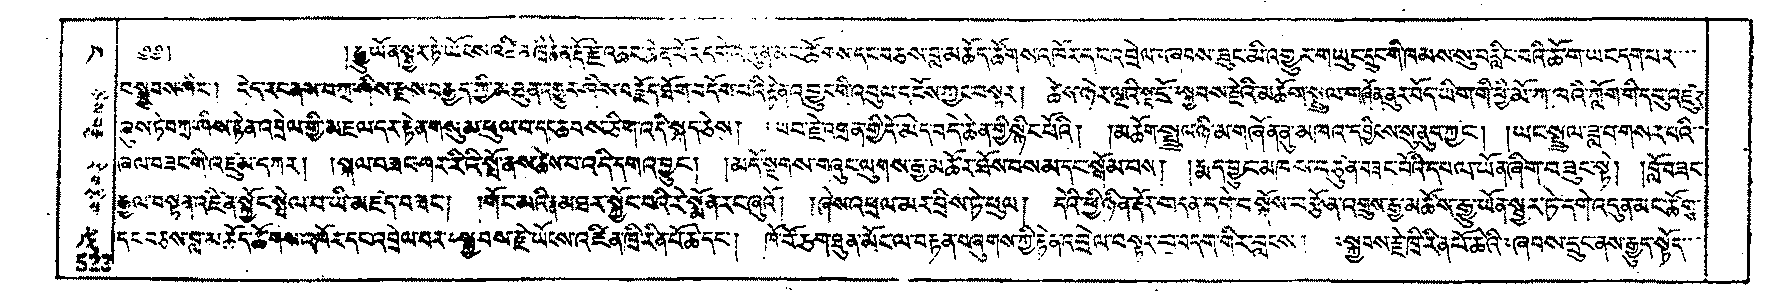༄༅། །རྒྱུ་ཡོན་སྦྱར་ཏེ་ཡོངས་འཛིན་ཁྲི་ཆེན་རྡོ་རྗེ་འཆང་ཆེན་པོར་དགེ་འདུན་མང་ཚོགས་དང་བཅས་བླ་མཆོད་ཚོགས་འཁོར་དང་འབྲེལ་༧ཞབས་ཟུང་མི་འགྱུར་གཡུང་དྲུང་གི་ཁམས་སུ་བརླིང་བའི་ཆོ་ག་ཡང་དག་པར་
བསྒྲུབས་ཤིང་། ངེད་རང་ནས་བཀྲ་ཤིས་རྫས་བརྒྱད་ཀྱི་མཐུན་འགྱུར་ཤིས་བརྗོད་ཐོག་བདོག་པའི་རྟེན་འབྱུང་གི་འབུལ་དངོས་ཀྱང་བསྟར། ཚེས་ཉེར་ལྔའི་སྔ་དྲོ་༧སྐྱབས་རྗེའི་མཆོག་སྤྲུལ་གཞོན་ནུར་བོད་ཡིག་གི་ཕྱི་མོ་ཀ་ཁའི་ཀློག་གི་དབུ་འཛུགས་
ཞུས་ཏེ་བཀྲ་ཤིས་རྟེན་འབྲེལ་གྱི་མཇལ་དར་རྟེན་གསུམ་ཕུལ་བ་དང་ཆབས་ཅིག་འདི་སྐད་ཅེས། ༧ཡབ་རྗེ་འགྲན་གྱི་དོ་མེད་བདེ་ཆེན་གྱི་སྙིང་པོའི། །མཆོག་སྤྲུལ་ཉི་མ་གཞོན་ནུ་མཁའ་དབྱིངས་སུ་ནུབ་ཀྱང་། །ཡང་སྤྲུལ་ཟླ་བ་གསར་པའི་
ཞལ་བཟང་གི་འཛུམ་དཀར། །སྐལ་བཟང་ཤར་རིའི་སྤོ་ནས་ཚེས་པ་འདི་དགའ་བྱུང་། །མདོ་སྔགས་གཞུང་ལུགས་རྒྱ་མཚོར་ཐོས་བསམ་དང་སྒོམ་པས། །རྨད་བྱུང་མཁས་བཙུན་བཟང་པོའི་དཔལ་ཡོན་ཞིག་བཟུང་སྟེ། །བློ་བཟང་
རྒྱལ་བསྟན་འཛིན་སྐྱོང་སྤེལ་བ་ཡི་མཛད་བཟང་། །གོང་མའི་རྣམ་ཐར་སྐྱོང་བའི་རེ་སྨོན་རང་ཞུའོ། །ཞེས་འཕྲལ་མར་བྲིས་ཏེ་ཕུལ། དེའི་ཕྱི་ཉིན་རྡོར་གདན་དགེ་བསྐོས་བརྩོན་འགྲུས་རྒྱ་མཚོས་རྒྱུ་ཡོན་སྦྱར་ཏེ་དགེ་འདུན་མང་ཚོགས་
དང་བཅས་བླ་མཆོད་ཚོགས་འཁོར་དང་འབྲེལ་བར་༧སྐྱབས་རྗེ་ཡོངས་འཛིན་ཁྲི་རིན་པོ་ཆེ་དང་། ཁོ་བོ་ཅག་ཐུན་མོང་ལ་བརྟེན་བཞུགས་ཀྱི་རྟེན་འབྲེལ་བསྟར་བ་བདག་གིར་བླངས། ༧སྐྱབས་རྗེ་ཁྲི་རིན་པོ་ཆེའི་༧ཞབས་དྲུང་ནས་རྒྱུད་སྟོད་